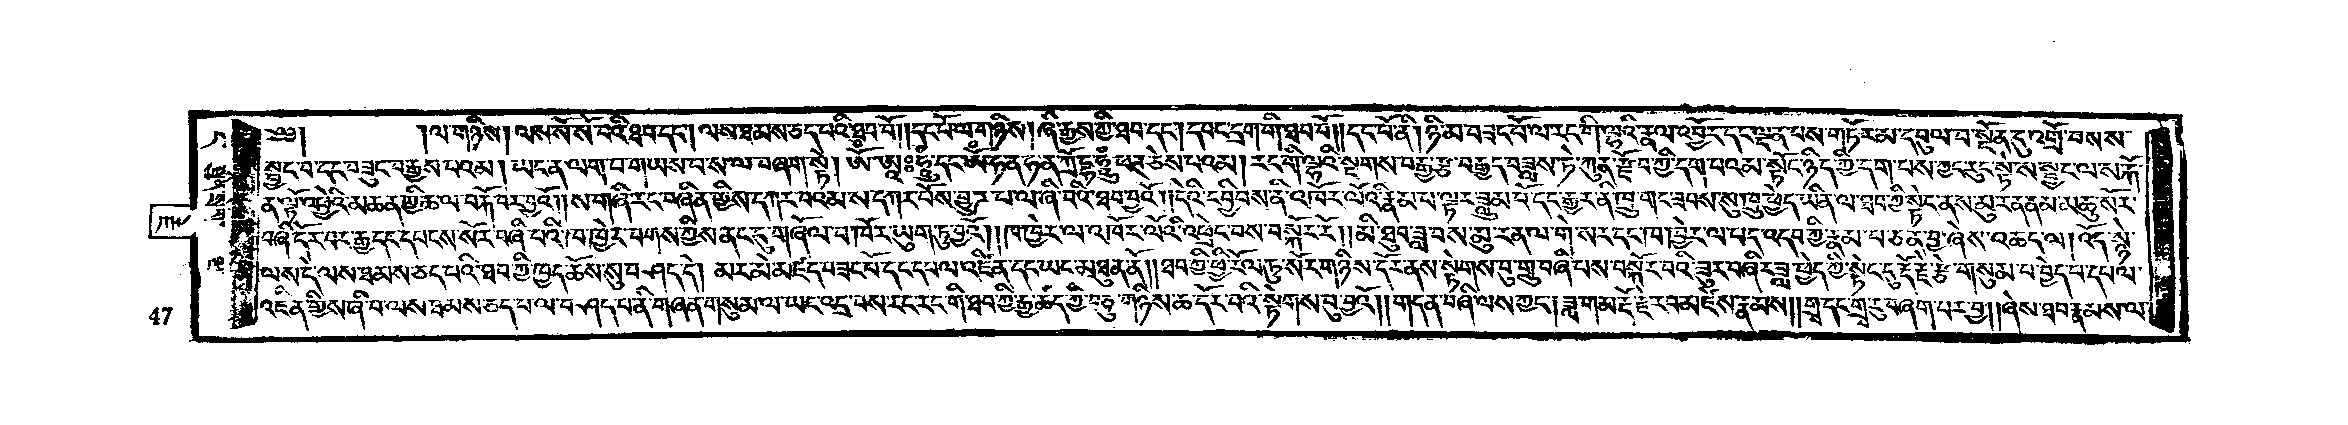༄༅། །ལ་གཉིས། ལས་སོ་སོ་བའི་ཐབ་དང་། ལས་ཐམས་ཅད་པའི་ཐབ་བོ། །དང་པོ་ལ་གཉིས། ཞི་རྒྱས་ཀྱི་ཐབ་དང་། དབང་དྲག་གི་ཐབ་བོ། །དང་པོ་ནི། ཉི་མ་བཟང་པོ་ལ་རང་གི་ལྷའི་རྣལ་འབྱོར་དང་ལྡན་པས་གཏོར་མ་དབུལ་བ་སྔོན་དུ་འགྲོ་བས་ས་
སྦྱང་བ་དང་བཟུང་བ་རྒྱས་པའམ། ཡང་ན་ལག་པ་གཡས་པ་ས་ལ་བཞག་སྟེ། ཨོཾ་ཨཱཿ ཧཱུཾ་དང་ཨོཾ་ཧ་ན་ཧ་ན་ཀྲོ་དྷ་ཧཱུཾ་ཕཊ་ཅེས་པའམ། རང་གི་ལྷའི་སྔགས་བརྒྱ་རྩ་བརྒྱད་བཟླས་ཏེ་ཀུན་རྫོབ་ཀྱི་དག་པའམ་སྟོང་ཉིད་ཀྱི་དག་པས་ཀྱང་རུང་སྟེ་ས་སྦྱང་ལ་ས་རྐོ་
ན་ལྟོ་འཕྱེའི་མཚན་གྱི་ཆ་ལ་བརྐོ་བར་བྱའོ། །ས་གཞི་རང་བཞིན་གྱིས་དཀར་བའམ་ས་དཀར་པོས་བྱུགས་པ་ལ་ཞི་བའི་ཐབ་བྱའོ། །དེའི་དབྱིབས་ནི་འཁོར་ལོའི་རྣམ་པ་ལྟར་ཟླུམ་པོ་དང་རྒྱར་ནི་ཁྲུ་གང་ཟབས་སུ་ཁྲུ་ཕྱེད་ཡིན་ལ་ཐབ་ཀྱི་སྟེང་ནས་མུ་རན་ནམ་མཆུ་སོར་
བཞི་དོར་བར་རྒྱ་དང་དཔངས་སོར་བཞི་པའི་ཁ་ཁྱེར་བགས་ཀྱིས་ནང་དུ་གཞོལ་བ་ཁོར་ཡུག་ཏུ་བྱའོ། །ཁ་ཁྱེར་ལ་འཁོར་ལོའི་འཕྲེང་བས་བསྐོར་རོ། །མི་ཐུབ་ཟླ་བས་མུ་རན་ལ་གེ་སར་དང་ཁ་ཁྱེར་ལ་པད་འདབ་ཀྱི་རྣམ་པ་ཅན་བྱ་ཞེས་འཆད་ལ། འོད་སྙེ་
ལས་དེ་ལས་ཐམས་ཅད་པའི་ཐབ་ཀྱི་ཁྱད་ཆོས་སུ་བཤད་དེ། མར་མེ་མཛད་བཟང་པོ་དང་དཔལ་འཛིན་དང་ཡང་མཐུན་ནོ། །ཐབ་ཀྱི་ཕྱི་རོལ་ཏུ་སོར་གཉིས་དོར་ནས་སྟེགས་བུ་གྲུ་བཞི་པས་བསྐོར་བའི་ཟུར་བཞིར་ཟླ་ཕྱེད་ཀྱི་སྟེང་དུ་རྡོ་རྗེ་རྩེ་གསུམ་པ་བྱེད་པ་དཔལ་
འཛིན་གྱིས་ཞི་བ་ལས་ཐམས་ཅད་པ་ལ་བཤད་པ་ནི་གཞན་གསུམ་ལ་ཡང་འདྲ་བས་རང་རང་གི་ཐབ་ཀྱི་རྒྱ་ཚད་ཀྱི་བཅུ་གཉིས་ཆ་དོར་བའི་སྟེགས་བུ་བྱའོ། །གདན་བཞི་ལས་ཀྱང་། ཟླ་གམ་རྡོ་རྗེ་རབ་མཛེས་རྣམས། །གྲྭ་དང་གྲྭ་རུ་བཞག་པར་བྱ། །ཞེས་ཐབ་རྣམས་ལ་